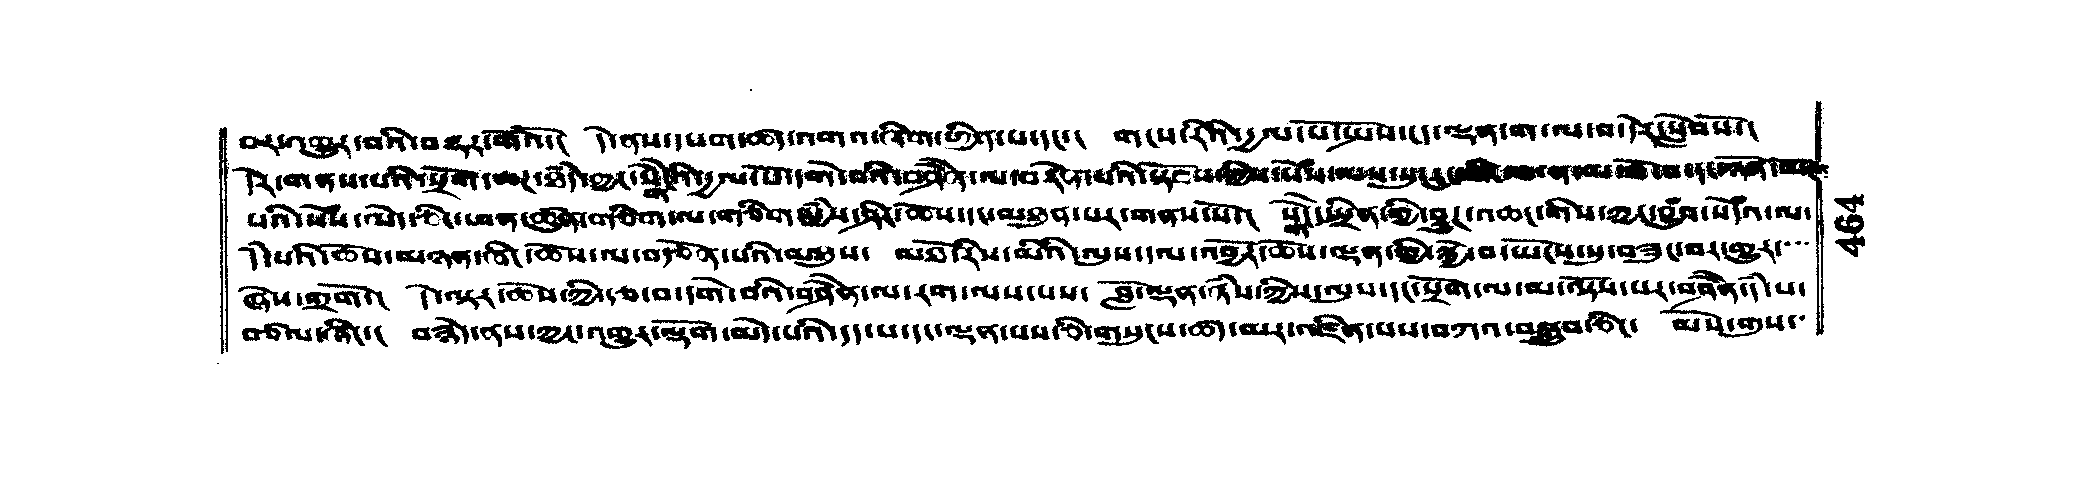བར་འགྱུར་བའི་བརྡར་གོའོ། དེ་ནས་དཔག་ཚད་འགའ་ཞིག་ཕྱིན་པ་དང་། གངས་རིའི་རྒྱལ་པོ་སྤོས་ངད་ལྡན་ག་ལ་བ་དེར་སླེབས་སོ། 
དེར་གནས་པའི་སྲོག་ཆགས་ཐམས་ཅད་ཀྱང་སེངྒེའི་རྒྱལ་པོ་དགེ་བའི་བཤེས་གཉེན་ལ་བརྟེན་པའི་སྟོབས་ཀྱིས་སེམས་ལས་སུ་རུང་ཞིང་ཁ་ན་མ་ཐོ་བ་དང་ཉོན་མོངས་
པའི་སེམས་མེད་ཅིང་ཕན་ཚུན་གཅིག་ལ་གཅིག་བྱམས་ཤིང་ཆོས་དང་མཐུན་པར་གནས་སོ། སེངྒེ་སྤྲིན་གྱི་ཤུགས་འཆང་གིས་ཀྱང་དབང་ཕྱུག་སེམས་དཔའ་ལ་
དམ་པའི་ཆོས་མཉན་ཞིང་ཆོས་ལ་བརྩོན་པའི་མཐུས། མཐོ་རིས་མིའི་ལུས་དལ་འབྱོར་ཆོས་ལྡན་གྱི་སྐྱེ་བ་ཡོངས་སུ་བཟུང་བར་གྱུར་
ཞེས་གྲག་གོ དེ་ལྟར་ཆོས་ཀྱི་རྩ་བ་དགེ་བའི་བཤེས་གཉེན་ལ་རག་ལས་པས། བློ་ལྡན་རྣམས་ཀྱིས་ལུས་དང་སྲོག་ལ་མ་ལྟོས་པར་བཤེས་གཉེན་དམ་པ་
བཙལ་ཞིང་། བརྙེད་ནས་ཀྱང་འགྱུར་ལྡོག་མེད་པའི་དད་པ་དང་ལྡན་པས་ཅི་གསུངས་ཚད་མར་འཛིན་པས་བཀའ་བསྒྲུབ་ཅིང་། མོས་གུས་